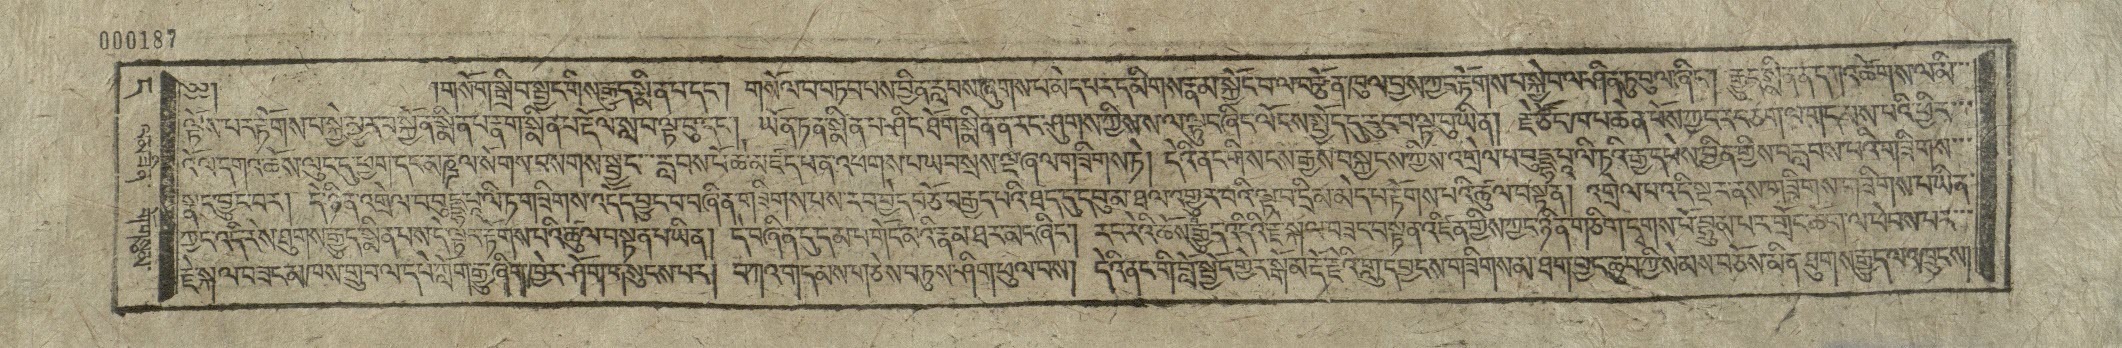༄༅། །གསོག་སྒྲིབ་སྦྱང་གིས་རྒྱུད་སྨིན་པ་དང་། གསོལ་བ་བཏབ་པས་བྱིན་རླབས་ཞུགས་པ་མེད་པར་དམིགས་རྣམ་སྐྱོང་བ་ལ་བརྩོན་ཁུལ་བྱས་ཀྱང་རྟོགས་པ་སྐྱེ་བ་ལ་ཤིན་ཏུ་བུལ་ཞིང་། རྒྱུད་སྨིན་ན་དཀའ་ཚེགས་ལ་མི་
ལྟོས་པར་རྟོགས་པ་སྐྱེ་མྱུར་བ་སྐྱོན་སྨིན་པ་རྣག་སྨིན་པ་རྡོལ་སླ་བ་ལྟ་བུ་དང་། ཡོན་ཏན་སྨིན་པ་ཤིང་ཐོག་སྨིན་ན་རང་ཤུགས་ཀྱིས་ས་ལ་ལྟུང་ཞིང་ལོངས་སྤྱོད་དུ་རུང་བ་ལྟ་བུ་ཡིན། རྗེ་ཙོང་ཁ་པ་ཆེན་པོས་ཀྱང་རང་ཅག་ལ་གདམས་པའི་ཕྱིར་
འོལ་དགའ་ཆོས་ལུང་དུ་ཕྱག་དང་མནྜལ་སོགས་བསགས་སྦྱང་རླབས་པོ་ཆེ་མཛད་པ་ན་འཕགས་པ་ཡབ་སྲས་ལྔ་ཞལ་གཟིགས་ཏེ། དེའི་ནང་གི་སངས་རྒྱས་བསྐྱངས་ཀྱིས་འགྲེལ་པ་བུདྡྷ་པཱ་ལི་ཏའི་རྒྱ་དཔེས་བྱིན་གྱིས་བརླབས་པའི་གཟིགས་
སྣང་བྱུང་བར། དེ་ཉིན་འགྲེལ་བ་བུདྡྷ་པཱ་ལི་ཏ་གཟིགས་འདོད་བྱུང་བ་བཞིན་གཟིགས་པས་རབ་བྱེད་བཅོ་བརྒྱད་པའི་ཐད་དུ་དབུ་མ་ཐལ་འགྱུར་བའི་ལྟ་བ་དྲི་མ་མེད་པ་རྟོགས་པའི་ཚུལ་བསྟན། འགྲེལ་པ་འདི་སྔར་ནས་གཟིགས་གཟིགས་པ་ཡིན་
ཀྱང་འདི་རེས་ཐུགས་རྒྱུད་སྨིན་པས་དེ་ལྟར་རྟོགས་པའི་ཚུལ་བསྟན་པ་ཡིན། དེ་བཞིན་དུ་དམ་པ་གོང་མའི་རྣམ་ཐར་མང་ཞིང་། རང་རེའི་ཆོས་བརྒྱུད་འདིའི་རྗེ་སྐལ་བཟང་བསྟན་འཛིན་གྱིས་ཀྱང་ཉིན་གཅིག་དྭགས་པོ་བྷྲུམ་པར་གྲོང་ཆོག་ལ་ཕེབས་པར་
རྗེ་སྐལ་བཟང་མཁས་གྲུབ་ལ་དཔེ་ཀློག་རྒྱུ་ཞིག་ཁྱེར་ཤོག་གསུངས་པར། བཀའ་གདམས་གཅེས་བཏུས་ཤིག་ཕུལ་བས། དེའི་ནང་གི་བློ་སྦྱོང་གྱེར་སྒོམ་རྡོ་རྗེའི་གླུ་དབྱངས་གཟིགས་མ་ཐག་བྱང་ཆུབ་ཀྱི་སེམས་བཅོས་མིན་ཐུགས་རྒྱུད་ལ་འཁྲུངས།